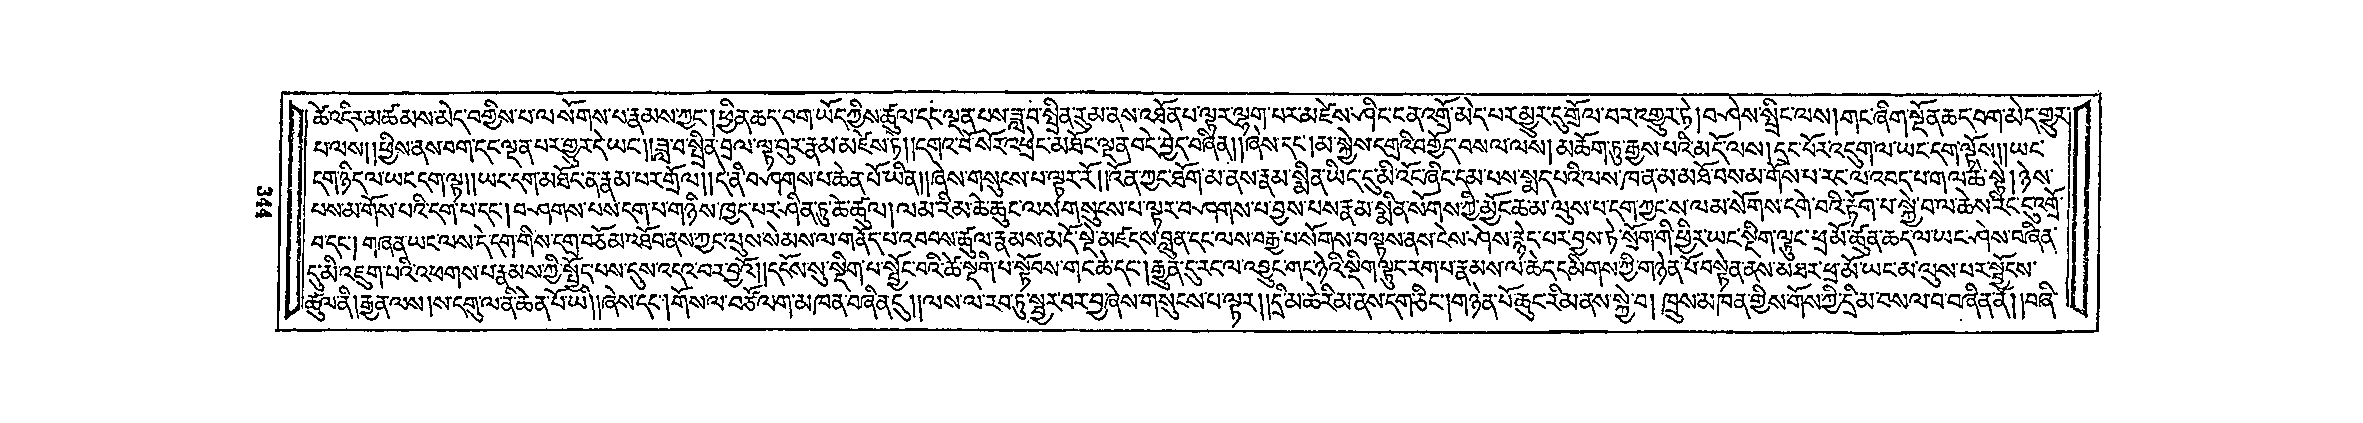ཚེ་འདིར་མཚམས་མེད་བགྱིས་པ་ལ་སོགས་པ་རྣམས་ཀྱང་། ཕྱིན་ཆད་བག་ཡོད་ཀྱིས་ཚུལ་དང་ལྡན་པས་ཟླ་བ་སྤྲིན་རུམ་ནས་འཐོན་པ་ལྟར་ལྷག་པར་མཛེས་ཤིང་ངན་འགྲོ་མེད་པར་མྱུར་དུ་གྲོལ་བར་འགྱུར་ཏེ། བཤེས་སྤྲིང་ལས། གང་ཞིག་སྔོན་ཆད་བག་མེད་གྱུར་
པ་ལས། །ཕྱིས་ནས་བག་དང་ལྡན་པར་གྱུར་དེ་ཡང་། །ཟླ་བ་སྤྲིན་བྲལ་ལྟ་བུར་རྣམ་མཛེས་ཏེ། །དགའ་བོ་སོར་འཕྲེང་མཐོང་ལྡན་བདེ་བྱེད་བཞིན། །ཞེས་དང་། མ་སྐྱེས་དགྲའི་བགྱོད་བསལ་ལས། མཆོག་ཏུ་རྒྱས་པའི་མདོ་ལས། དྲང་པོར་འདུག་ལ་ཡང་དག་ལྟོས། །ཡང་
དག་ཉིད་ལ་ཡང་དག་ལྟ། །ཡང་དག་མཐོང་ན་རྣམ་པར་གྲོལ། །དེ་ནི་བཤགས་པ་ཆེན་པོ་ཡིན། །ཞེས་གསུངས་པ་ལྟར་རོ། །འོན་ཀྱང་ཐོག་མ་ནས་རྣམ་སྨིན་ཡིད་དུ་མི་འོང་ཞིང་དམ་པས་སྨད་པའི་ལས་ཁ་ན་མ་མཐོ་བས་མ་གོས་པ་རང་ལ་འབད་པ་གལ་ཆེ་སྟེ། ཉེས་
པས་མ་གོས་པའི་དག་པ་དང་། བཤགས་པས་དག་པ་གཉིས་ཁྱད་པར་ཤིན་ཏུ་ཆེ་ཚུལ། ལམ་རིམ་ཆེ་ཆུང་ལས་གསུངས་པ་ལྟར་བཤགས་པ་བྱས་པས་རྣམ་སྨིན་སོགས་ཀྱི་མྱོང་ཆ་མ་ལུས་པ་དག་ཀྱང་ས་ལམ་སོགས་དགེ་བའི་རྟོག་པ་སྐྱེ་བ་ལ་ཆེས་རིང་དུ་འགྲོ་
བ་དང་། གཞན་ཡང་ལས་དེ་དག་གིས་དགྲ་བཅོམ་འཐོབ་ནས་ཀྱང་ལུས་སེམས་ལ་གནོད་པ་འབབས་ཚུལ་རྣམས་མདོ་སྡེ་མཛད་ས་བླུན་དང་ལས་བརྒྱ་པ་སོགས་བལྟས་ནས་ངེས་ཤེས་རྙེད་པར་བྱས་ཏེ་སྲོག་གི་ཕྱིར་ཡང་སྡིག་ལྟུང་ཕྲ་མོ་ཚུན་ཆད་ལ་ཡང་ཤེས་བཞིན་
དུ་མི་འཇུག་པའི་འཕགས་པ་རྣམས་ཀྱི་སྤྱོད་པས་དུས་འདའ་བར་བྱའོ། །དངོས་སུ་སྡིག་པ་སྦྱོང་བའི་ཚེ་སྡིག་པ་སྟོབས་གང་ཆེ་དང་། རྒྱུན་དུ་རང་ལ་འབྱུང་གང་ཉེའི་སྡིག་ལྟུང་རག་པ་རྣམས་ལ་ཆེད་དམིགས་ཀྱི་གཉེན་པོ་བསྟེན་ནས་མཐར་ཕྲ་མོ་ཡང་མ་ལུས་པར་སྦྱོངས་
ཚུལ་ནི། རྒྱན་ལས། ས་དགུ་ལ་ནི་ཆེན་པོ་ཡི། །ཞེས་དང་། གོས་ལ་བཙོ་ལག་མཁན་བཞིན་དུ། །ལས་ལ་རབ་ཏུ་སྦྱར་བར་བྱ་ཞེས་གསུངས་པ་ལྟར། །དྲི་མ་ཆེ་རིམ་ནས་དག་ཅིང་། གཉེན་པོ་ཆུང་རིམ་ནས་སྐྱེ་བ། ཁྲུས་མཁན་གྱིས་གོས་ཀྱི་དྲི་མ་བསལ་བ་བཞིན་ནོ། །བཞི་